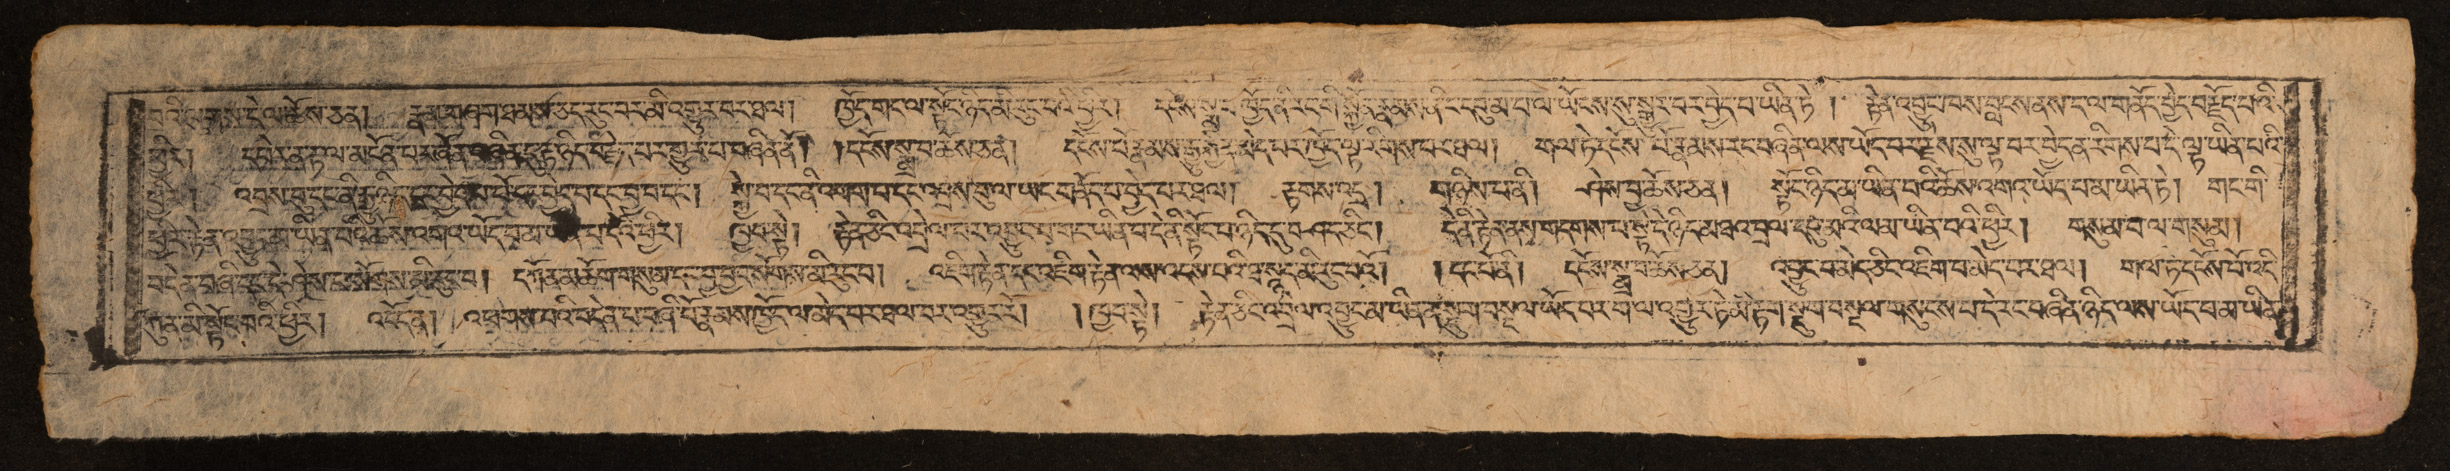བའི་ལུགས་དེ་ལ་ཆོས་ཅན། རྣམ་གཞག་ཐམས་ཅད་རུང་བར་མི་འགྱུར་བར་ཐལ། ཁྱོད་གང་ལ་སྟོང་ཉིད་མི་རུང་བའི་ཕྱིར། དངོས་སྨྲ་བ་ཁྱོད་ནི་རང་གི་སྐྱོན་རྣམས་ནི་ང་དབུ་མ་པ་ལ་ཡོངས་སུ་སྒྱུར་བར་བྱེད་པ་ཡིན་ཏེ། རྟེན་འབྱུང་ཁས་བླངས་ནས་དེ་ལ་གནོད་བྱེད་བརྗོད་པའི་
ཕྱིར། དཔེར་ན་རྟ་ལ་མངོན་པར་ཞོན་བཞིན་དུ་རྟ་ཉིད་བརྗེད་པར་གྱུར་པ་བཞིན་ནོ། །དངོས་སྨྲ་བ་ཆོས་ཅན། དངོས་པོ་རྣམས་རྒྱུ་རྐྱེན་མེད་པར་ཁྱོད་ལྟ་རིགས་པར་ཐལ། གལ་ཏེ་དངོས་པོ་རྣམས་རང་བཞིན་ལས་ཡོད་པར་རྗེས་སུ་ལྟ་བར་བྱེད་ན་རིགས་པ་དེ་ལྟ་ཡིན་པའི་
ཕྱིར། འབྲས་བུ་དང་ནི་རྒྱུ་ཉིད་དང་བྱེད་པ་པོ་དང་བྱེད་པ་དང་བྱ་བ་དང་། སྐྱེ་བ་དང་ནི་འགག་པ་དང་འབྲས་བུ་ལ་ཡང་གནོད་པ་བྱེད་པར་ཐལ། རྟགས་འདྲ། གཉིས་པ་ནི། ཤེས་བྱ་ཆོས་ཅན། སྟོང་ཉིད་མ་ཡིན་པའི་ཆོས་འགའ་ཡོད་པ་མ་ཡིན་ཏེ། གང་གི་
ཕྱིར་རྟེན་འབྱུང་མ་ཡིན་པའི་ཆོས་འགའ་ཡོད་པ་མ་ཡིན་པ་དེའི་ཕྱིར། ཁྱབ་སྟེ། རྟེན་ཅིང་འབྲེལ་པར་འབྱུང་བ་གང་ཡིན་པ་དེ་ནི་སྟོང་པ་ཉིད་དུ་བཤད་ཅིང་། དེ་ནི་རྟེན་ནས་གདགས་པ་སྟེ་དེ་ཉིད་མཐའ་བྲལ་དབུ་མའི་ལམ་ཡིན་པའི་ཕྱིར། གསུམ་པ་ལ་གསུམ།
བདེན་བཞི་དང་དེ་ཤེས་པ་སོགས་མི་རུང་བ། དཀོན་མཆོག་གསུམ་དང་བྱ་བྱེད་སོགས་མི་རུང་བ། འཇིག་རྟེན་དང་འཇིག་རྟེན་ལས་འདས་པའི་ཐ་སྙད་མི་རུང་བའོ། །དང་པོ་ནི། དངོས་སྨྲ་བ་ཆོས་ཅན། འབྱུང་བ་མེད་ཅིང་འཇིག་པ་མེད་པར་ཐལ། གལ་ཏེ་དངོས་པོ་འདི་
ཀུན་མི་སྟོང་བའི་ཕྱིར། འདོད་ན། འཕགས་པའི་བདེན་པ་བཞི་པོ་རྣམས་ཁྱོད་ལ་མེད་པར་ཐལ་བར་འགྱུར་རོ། །ཁྱབ་སྟེ། རྟེན་ཅིང་འབྲེལ་འབྱུང་མ་ཡིན་ན་སྡུག་བསྔལ་ཡོད་པར་ག་ལ་འགྱུར་ཏེ་མི་རྟག་སྡུག་བསྔལ་གསུངས་པ་དེ་རང་བཞིན་ཉིད་ལས་ཡོད་པ་མ་ཡིན་